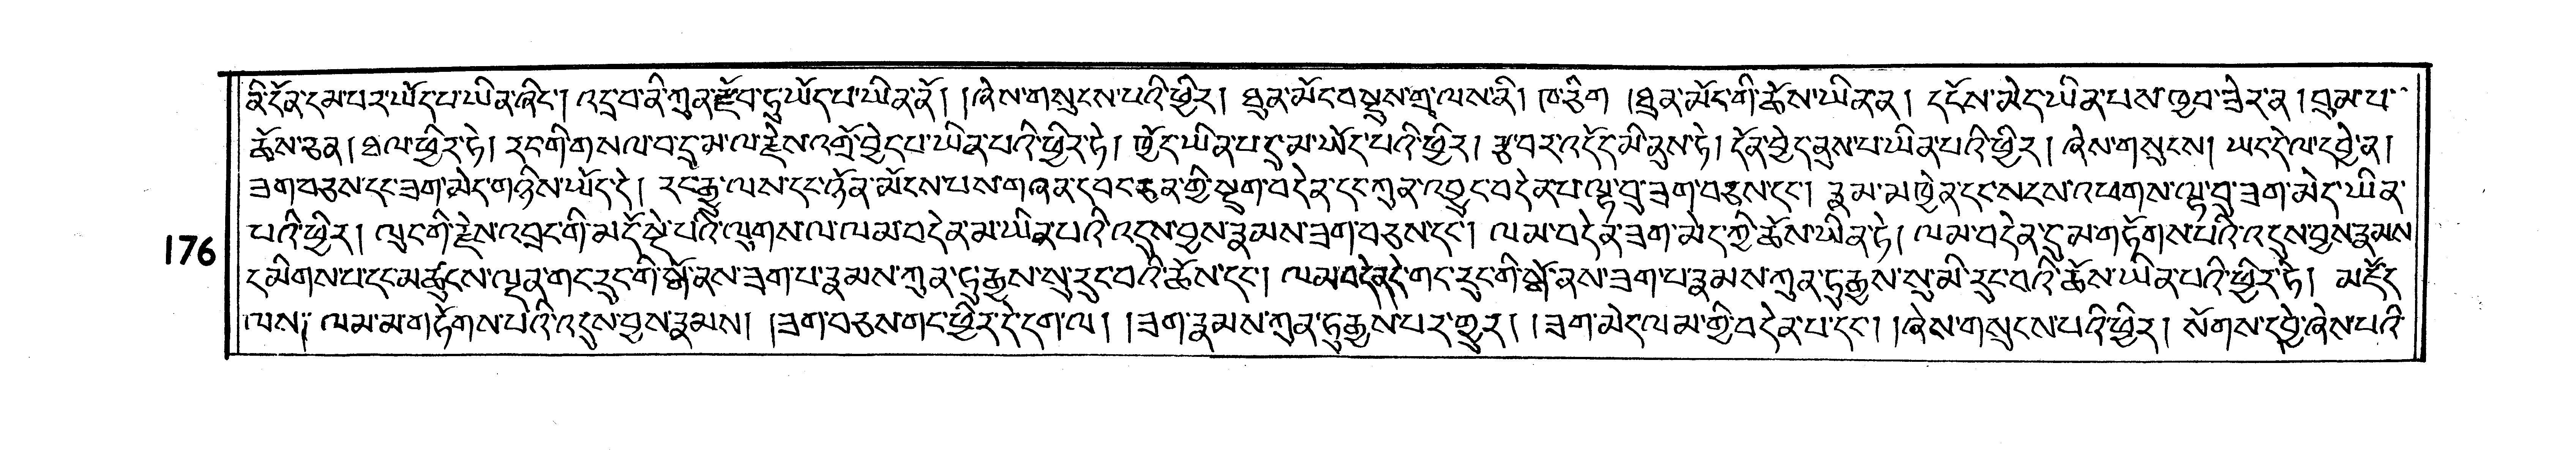ནི་དོན་དམ་པར་ཡོད་པ་ཡིན་ཞིང་། འདྲ་བ་ནི་ཀུན་རྫོབ་ཏུ་ཡོད་པ་ཡིན་ནོ། །ཞེས་གསུངས་པའི་ཕྱིར། ཐུན་མོང་བསྡུས་གྲྭ་ལས་ནི། ཁ་ཅིག །ཐུན་མོང་གི་ཆོས་ཡིན་ན། དངོས་མེད་ཡིན་པས་ཁྱབ་ཟེར་ན། བུམ་པ་
ཆོས་ཅན། ཐལ་ཕྱིར་ཏེ། རང་གི་གསལ་བ་དུ་མ་ལ་རྗེས་འགྲོ་བྱེད་པ་ཡིན་པའི་ཕྱིར་ཏེ། ཁྱོད་ཡིན་པ་དུ་མ་ཡོད་པའི་ཕྱིར། རྩ་བར་འདོད་མི་ནུས་ཏེ། དོན་བྱེད་ནུས་པ་ཡིན་པའི་ཕྱིར། ཞེས་གསུངས། ཡང་དེ་ལ་དབྱེ་ན།
ཟག་བཅས་དང་ཟག་མེད་གཉིས་ཡོད་དེ། རང་རྒྱུ་ལས་དང་ཉོན་མོངས་པས་གཞན་དབང་ཅན་གྱི་སྡུག་བདེན་དང་ཀུན་འབྱུང་བདེན་པ་ལྟ་བུ་ཟག་བཅས་དང་། རྣམ་མཁྱེན་དང་སངས་འཕགས་ལྟ་བུ་ཟག་མེད་ཡིན་
པའི་ཕྱིར། ལུང་གི་རྗེས་འབྲང་གི་མདོ་སྡེ་པའི་ལུགས་ལ་ལམ་བདེན་མ་ཡིན་པའི་འདུས་བྱས་རྣམས་ཟག་བཅས་དང་། ལམ་བདེན་ཟག་མེད་ཀྱི་ཆོས་ཡིན་ཏེ། ལམ་བདེན་དུ་མ་གཏོགས་པའི་འདུས་བྱས་རྣམས་
དམིགས་པ་དང་མཚུངས་ལྡན་གང་རུང་གི་སྒོ་ནས་ཟག་པ་རྣམས་ཀུན་ཏུ་རྒྱས་སུ་རུང་བའི་ཆོས་དང་། ལམ་བདེན་དེ་གང་རུང་གི་སྒོ་ནས་ཟག་པ་རྣམས་ཀུན་ཏུ་རྒྱས་སུ་མི་རུང་བའི་ཆོས་ཡིན་པའི་ཕྱིར་ཏེ། མཛོད་
ལས༑ ལམ་མ་གཏོགས་པའི་འདུས་བྱས་རྣམས། །ཟག་བཅས་གང་ཕྱིར་དེ་དག་ལ། །ཟག་རྣམས་ཀུན་ཏུ་རྒྱས་པར་གྱུར། །ཟག་མེད་ལམ་གྱི་བདེན་པ་དང་། །ཞེས་གསུངས་པའི་ཕྱིར། སོགས་དབྱེ་ཞེས་པའི་